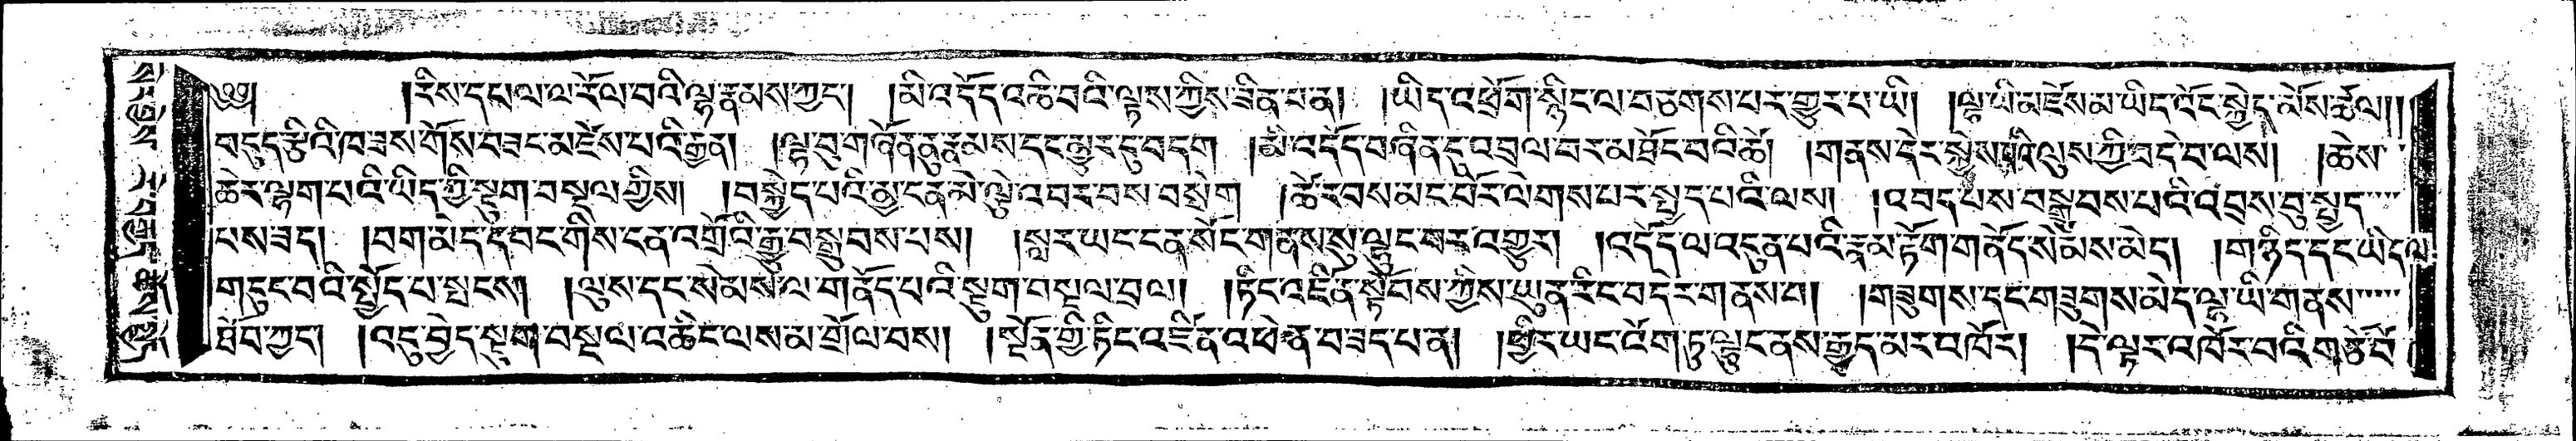༄༅། །རིས་དཔལ་ལ་རོལ་བའི་ལྷ་རྣམས་ཀྱང་། །མི་འདོད་འཆི་བའི་ལྟས་ཀྱིས་ཟིན་པ་ན། །ཡིད་འཕྲོག་སྙིང་ལ་བཅགས་པར་གྱུར་པ་ཡི། །ལྷ་ཡི་མཛེས་མ་ཡིད་འོང་སྐྱེད་མོས་ཚལ། །
བདུད་རྩིའི་ཁ་ཟས་གོས་བཟང་མཛེས་པའི་རྒྱན། །ལྟ་བུ་གཞོན་ནུ་རྣམས་དང་མྱུར་དུ་བདག །མི་འདོད་བཞིན་དུ་འབྲལ་བར་མཐོང་བའི་ཚེ། །གནས་དེར་སྐྱེས་པའི་ལུས་ཀྱི་བདེ་བ་ལས། །ཆེས་
ཆེར་ལྷག་པའི་ཡིད་ཀྱི་སྡུག་བསྔལ་གྱིས། །བསྐྱེད་པའི་མྱ་ངན་མེ་ལྕེ་འབར་བས་བསྲེག །ཚེ་རབས་མང་པོར་ལེགས་པར་སྤྱད་པའི་ལས། །འབད་པས་བསྒྲུབས་པའི་འབྲས་བུ་སྤྱད་
པས་ཟད། །བག་མེད་དབང་གིས་ངན་འགྲོའི་རྒྱུ་བསྒྲུབས་པས། །སླར་ཡང་ངན་སོང་གནས་སུ་ལྷུང་བར་འགྱུར། །འདོད་ལ་འདུན་པའི་རྣམ་རྟོག་གནོད་སེམས་མེད། །གཉིད་དང་ཡིད་ལ་
གདུང་བའི་སྤྱོད་པ་སྤངས། །ལུས་དང་སེམས་ལ་གནོད་པའི་སྡུག་བསྔལ་བྲལ། །ཏིང་འཛིན་སྟོབས་ཀྱིས་ཡུན་རིང་བདེར་གནས་པ། །གཟུགས་དང་གཟུགས་མེད་ལྷ་ཡི་གནས་
ཐོབ་ཀྱང་། །འདུ་བྱེད་སྡུག་བསྔལ་འཆིང་ལས་མ་གྲོལ་བས། །སྔོན་གྱི་ཏིང་འཛིན་འཕེན་པ་ཟད་པ་ན། །ཕྱིར་ཡང་འོག་ཏུ་ལྷུང་ནས་རྒྱུད་མར་འཁོར། །དེ་ལྟར་འཁོར་བའི་གཙོ་བོ་